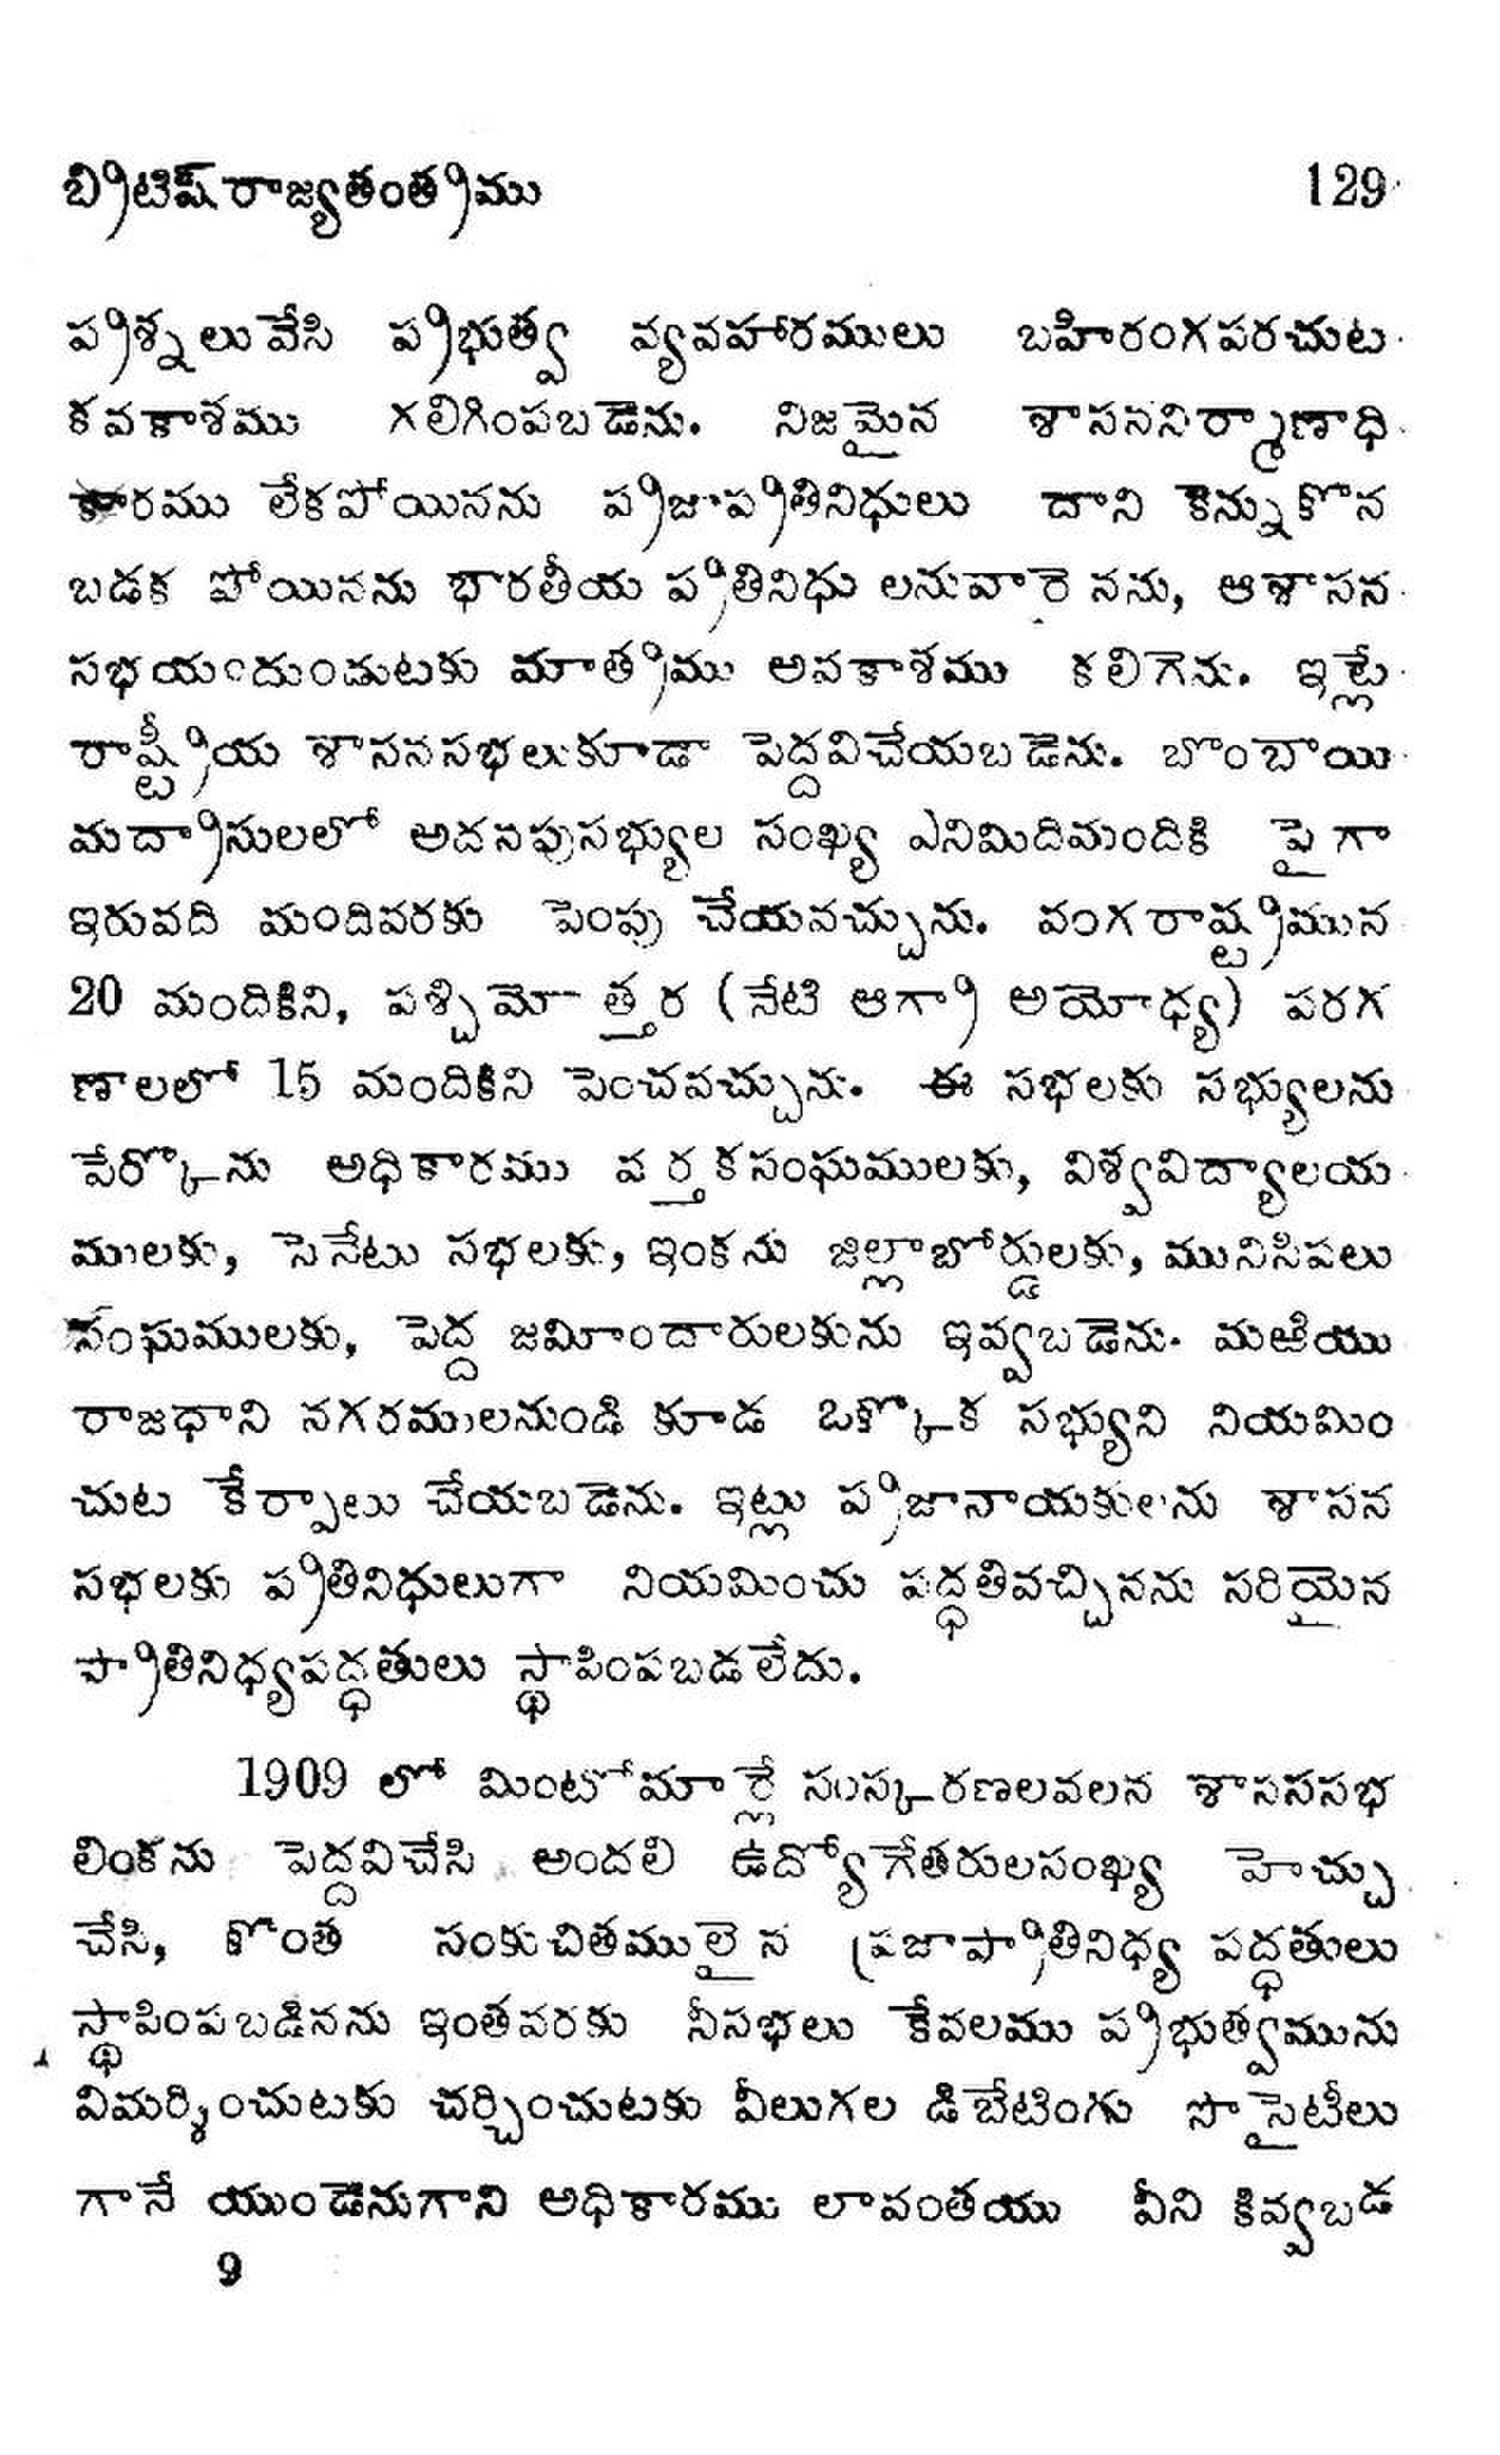ప్రశ్నలువేసి ప్రభుత్వ వ్యవహారములు బహిరంగపరచుట. కవకాశము గలిగింపబడెను. నిజమైన శాసననిర్మాణాధికారము లేకపోయినను ప్రజాప్రతినిధులు దాని కెన్నుకొనబడక పోయినను భారతీయ ప్రతినిధు లనువారైనను, ఆశాసన సభయందుండుటకు మాత్రము అవకాశము కలిగెను. ఇట్లే రాష్ట్రీయ శాసనసభలుకూడా పెద్దవిచేయబడెను. బొంబాయి మద్రాసులలో అదనపుసభ్యుల సంఖ్య ఎనిమిదిమందికి పైగా ఇరువది మందివరకు పెంపు చేయవచ్చును. వంగరాష్ట్రమున 20 మందికిని, పశ్చిమోత్తర (నేటి ఆగ్రా అయోధ్య) పరగణాలలో 15 మందికిని పెంచవచ్చును. ఈ సభలకు సభ్యులను పేర్కొను అధికారము వర్తకసంఘములకు, విశ్వవిద్యాలయములకు, సెనేటు సభలకు , ఇంకను జిల్లాబోర్డులకు, మునిసిపలు సంఘములకు, పెద్ద జమీందారులకును ఇవ్వబడెను. మఱియు రాజధాని నగరములనుండి కూడ ఒక్కొక సభ్యుని నియమించుట కేర్పాటు చేయబడెను. ఇట్లు ప్రజానాయకులను శాసనసభలకు ప్రతినిధులుగా నియమించు పద్దతివచ్చినను సరియైన ప్రాతినిధ్యపద్ధతులు స్థాపింపబడలేదు.

1909 లో మింటోమార్లే సంస్కరణలవలన శాసనసభ లింకను పెద్దవిచేసి , అందలి ఉద్యోగేతరులసంఖ్య హెచ్చుచేసి, కొంత సంకుచితములైన ప్రజాప్రాతినిధ్య పద్దతులు స్థాపింపబడినను ఇంతవరకు నీసభలు కేవలము ప్రభుత్వమును విమర్శించుటకు చర్చించుటకు వీలుగల డిబేటింగు సొసైటీలుగానే యుండెనుగాని అధికారము లావంతయు వీని కివ్వబడ